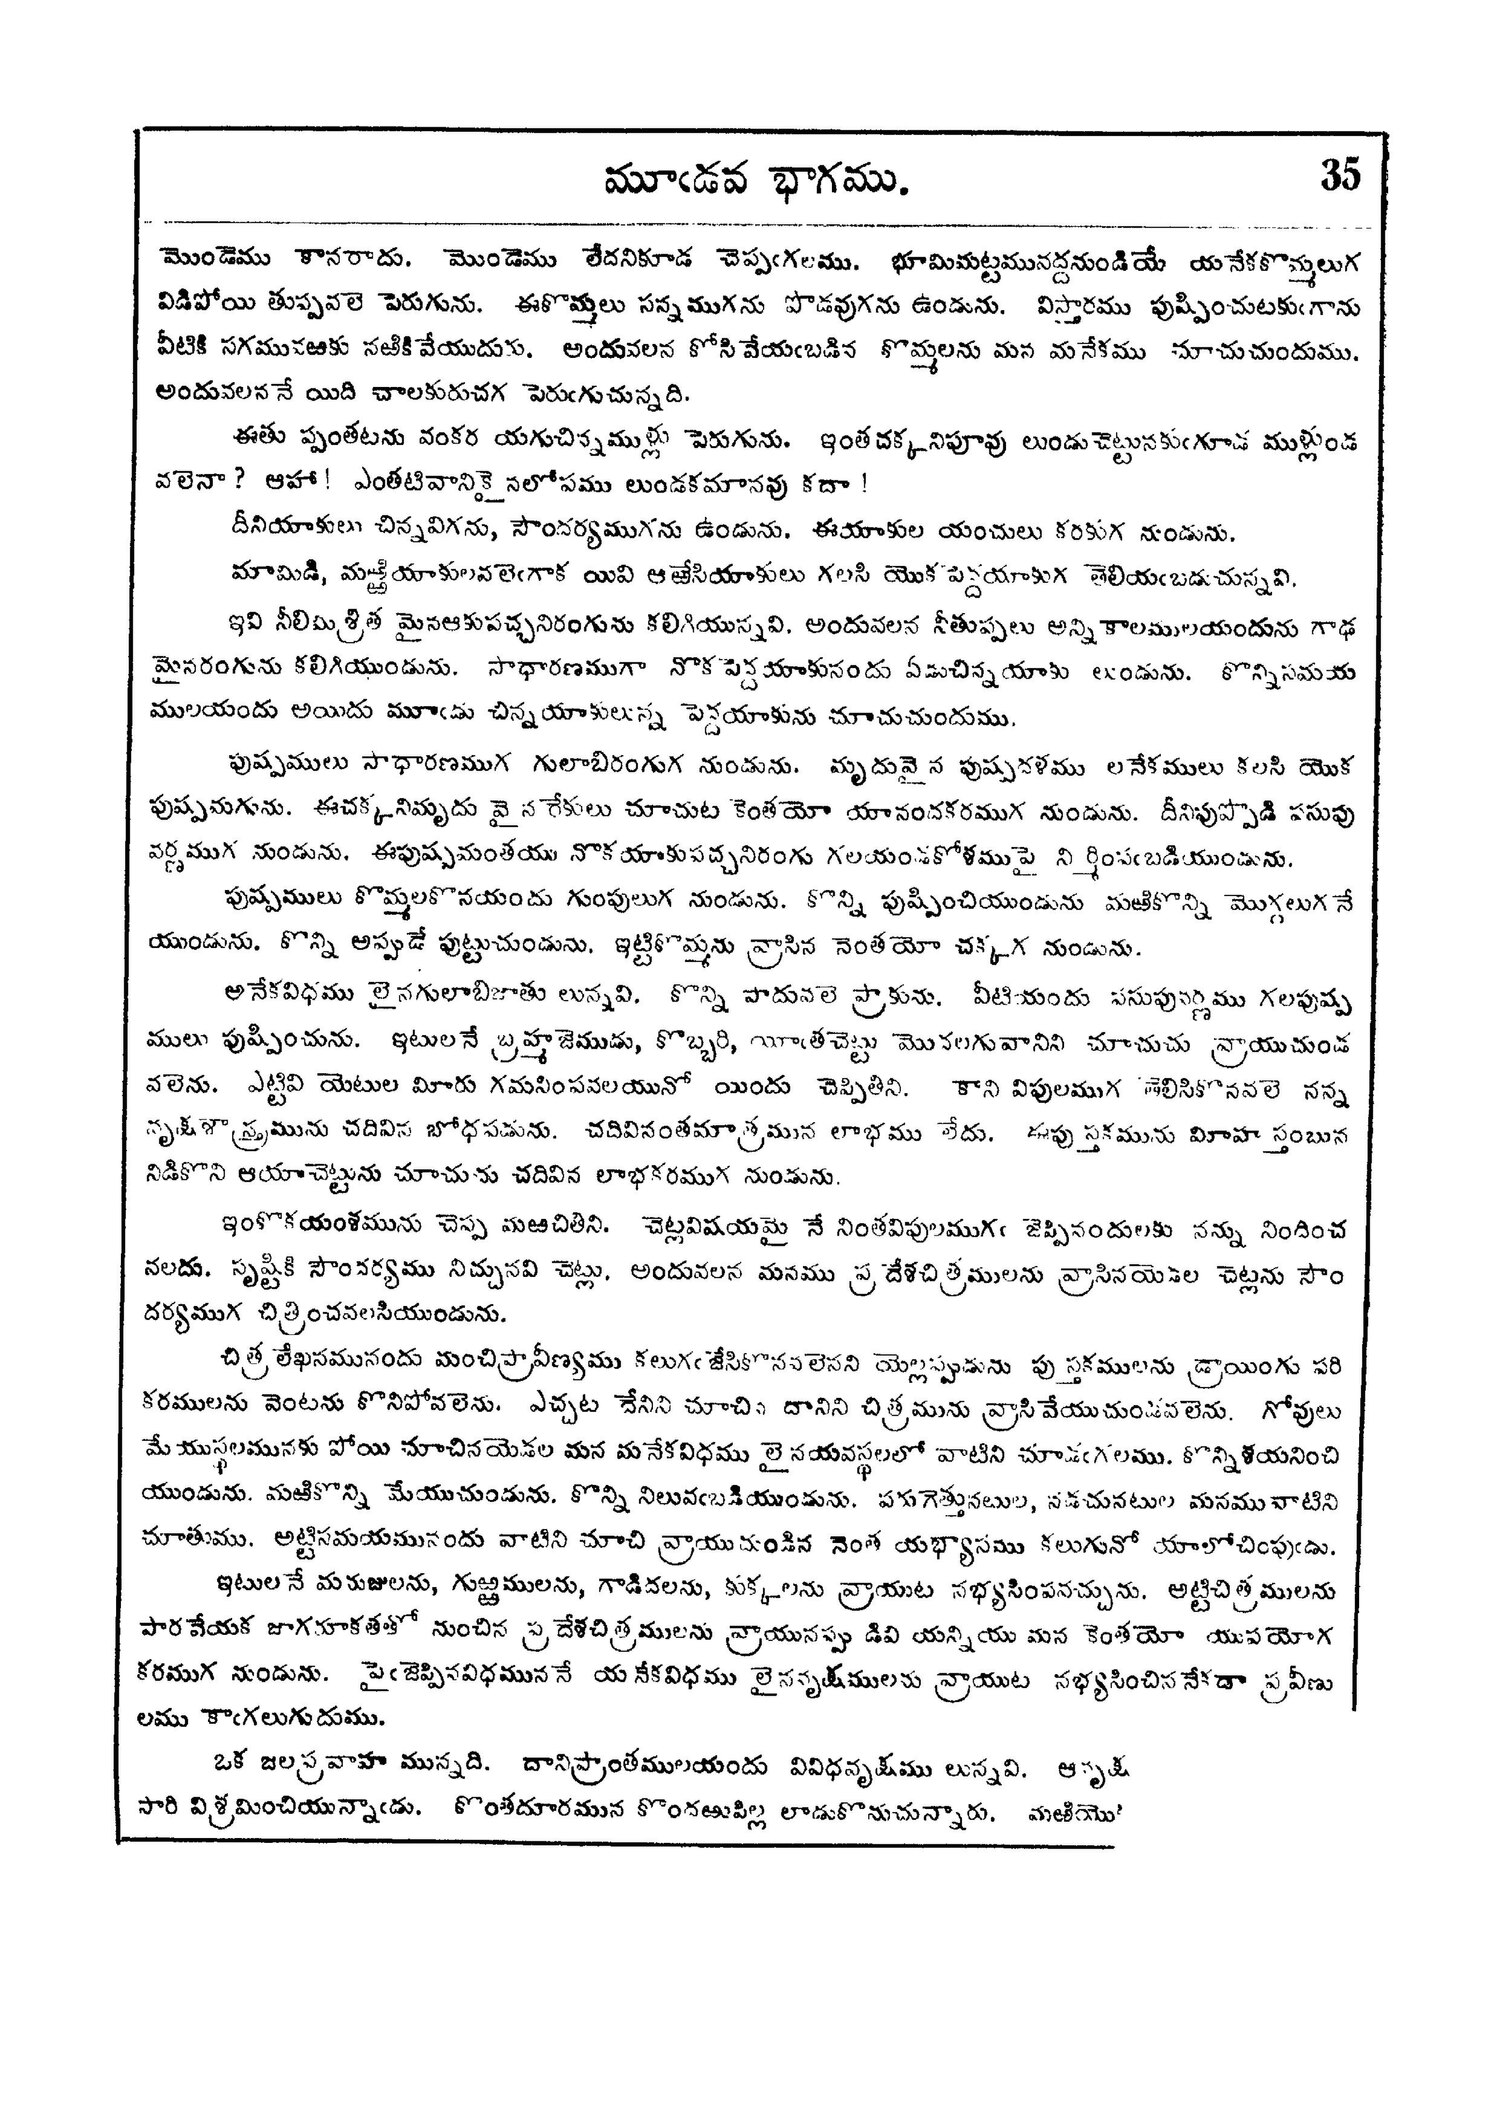మొండెము కానరాదు. మొండెము లేదనికూడ చెప్పగలము. భూమిమట్టమువద్దనుండియే యనేకకొమ్మలుగ విడిపోయి తుప్పవలె పెరుగును. ఈకొమ్మలు సన్నముగను పొడవుగను ఉండును. విస్తారము పుష్పించుటకుగాను వీటికి సగమువఱకు నఱికివేయుదురు. అందువలన కోసివేయబడిన కొమ్మలను మన మనేకము చూచుచుందుము. అందువలననే యిది చాలకురుచగ పెరుగుచున్నది.

ఈతు ప్పంతటను వంకర యగుచిన్నముళ్లు పెరుగును. ఇంతచక్కనిపూవు లుండుచెట్టునకుగూడ ముళ్లుండవలెనా? ఆహా! ఎంతటివానికైనలోపము లుండకమానవు కదా!

దీనియాకులు చిన్నవిగను, సౌందర్యముగను ఉండును. ఈయాకుల యంచులు కరకుగ నుండును.

మామిడి, మఱ్ఱియాకులవలెగాక యివి ఆఱేసియాకులు గలసి యొకపెద్దయాకుగ తెలియబడుచున్నవి.

ఇవి నీలిమిశ్రిత మైనఆకుపచ్చనిరంగును కలిగియున్నవి. అందువలన నీతుప్పలు అన్నికాలములయందును గాడమైనరంగును కలిగియుండును. సాధారణముగా నొకపెద్దయాకునందు ఏడుచిన్నయాకు లుండును. కొన్నిసమయములయందు అయిదు మూడు చిన్నయాకులున్న పెద్దయాకును చూచుచుందుము.

పుష్పములు సాధారణముగ గులాబిరంగుగ నుండును. మృదువైన పుష్పదళము లనేకములు కలసి యొక పుష్పమగును. ఈచక్కనిమృదు వైనరేకులు చూచుట కెంతయో యానందకరముగ నుండును. దీనిపుప్పొడి పసుపు వర్ణముగ నుండును. ఈపుష్పమంతయు నొక యాకుపచ్చనిరంగు గలయండకోశముపై నిర్మింపబడియుండును. 

పుష్పములు కొమ్మలకొనయందు గుంపులుగ నుండును. కొన్ని పుష్పించియుండును మఱికొన్ని మొగ్గలుగనే యుండును. కొన్ని అప్పుడే పుట్టుచుండును. ఇట్టికొమ్మను వ్రాసిన నెంతయో చక్కగ నుండును.

అనేకవిధము లైనగులాబిజాతు లున్నవి. కొన్ని పాదవలె ప్రాకును. వీటియందు పసుపువర్ణము గలపుష్పములు పుష్పించును. ఇటులనే బ్రహ్మజెముడు, కొబ్బరి, యీతచెట్టు మొదలగువానిని చూచుచు వ్రాయుచుండవలెను. ఎట్టివి యెటుల మీరు గమనింపవలయునో యిందు చెప్పితిని. కాని విపులముగ తెలిసికొనవలె నన్న వృక్షశాస్త్రమును చదివిన బోధపడును. చదివినంతమాత్రమున లాభము లేదు. ఈపుస్తకమును మీహస్తంబున నిడికొని ఆయాచెట్టును చూచుచు చదివిన లాభకరముగ నుండును.

ఇంకొకయంశమును చెప్ప మఱచితిని. చెట్లవిషయమై నే నింతవిపులముగ జెప్పినందులకు నన్ను నిందించ వలదు. సృష్టికి సౌందర్యము నిచ్చునవి చెట్లు. అందువలన మనము ప్రదేశచిత్రములను వ్రాసినయెడల చెట్లను సౌందర్యముగ చిత్రించవలసియుండును.

చిత్రలేఖనమునందు మంచిప్రావీణ్యము కలుగజేసికొనవలెనని యెల్లప్పుడును పుస్తకములను డ్రాయింగు పరికరములను వెంటను కొనిపోవలెను. ఎచ్చట దేనిని చూచిన దానిని చిత్రమును వ్రాసివేయుచుండవలెను. గోవులు మేయుస్థలమునకు పోయి చూచినయెడల మన మనేకవిధములైన యవస్థలలొ వాటిని చూడగలము.కొన్నిశయనించి యుండును. మఱికొన్ని మేయుచుండును. కొన్ని నిలువబడియుండును. పరుగెత్తునటుల, నడచునటుల మనమువాటిని చూతుము. అట్టిసమయమునందు వాటిని చూచి వ్రాయుచుండిన నెంత యభ్యాసము కలుగునో యాలోచింపుడు.

ఇటులనే మనుజులను, గుఱ్ఱములను, గాడిదలను, కుక్కలను వ్రాయుట నభ్యసింపవచ్చును. అట్టిచిత్రములను పారవేయక జాగరూకతతో నుంచిన ప్రదేశచిత్రములను వ్రాయునప్పు డివి యన్నియు మన కెంతయో యుపయోగకరముగ నుండును. పైజెప్పినవిధముననే యనేకవిధము లనవృక్షములను వ్రాయుట నభ్యసించిననేకదా ప్రవీణులము కాగలుగుదుము.

ఒక జలప్రవాహ మున్నది. దానిప్రాంతములయందు వివిధవృక్షము లున్నవి. ఆవృక్షముల నీడయందు ఒకబాటసారి విశ్రమించియున్నాడు. కొంతదూరమున కొందఱుపిల్ల లాడుకొనుచున్నారు. మఱియొక----------